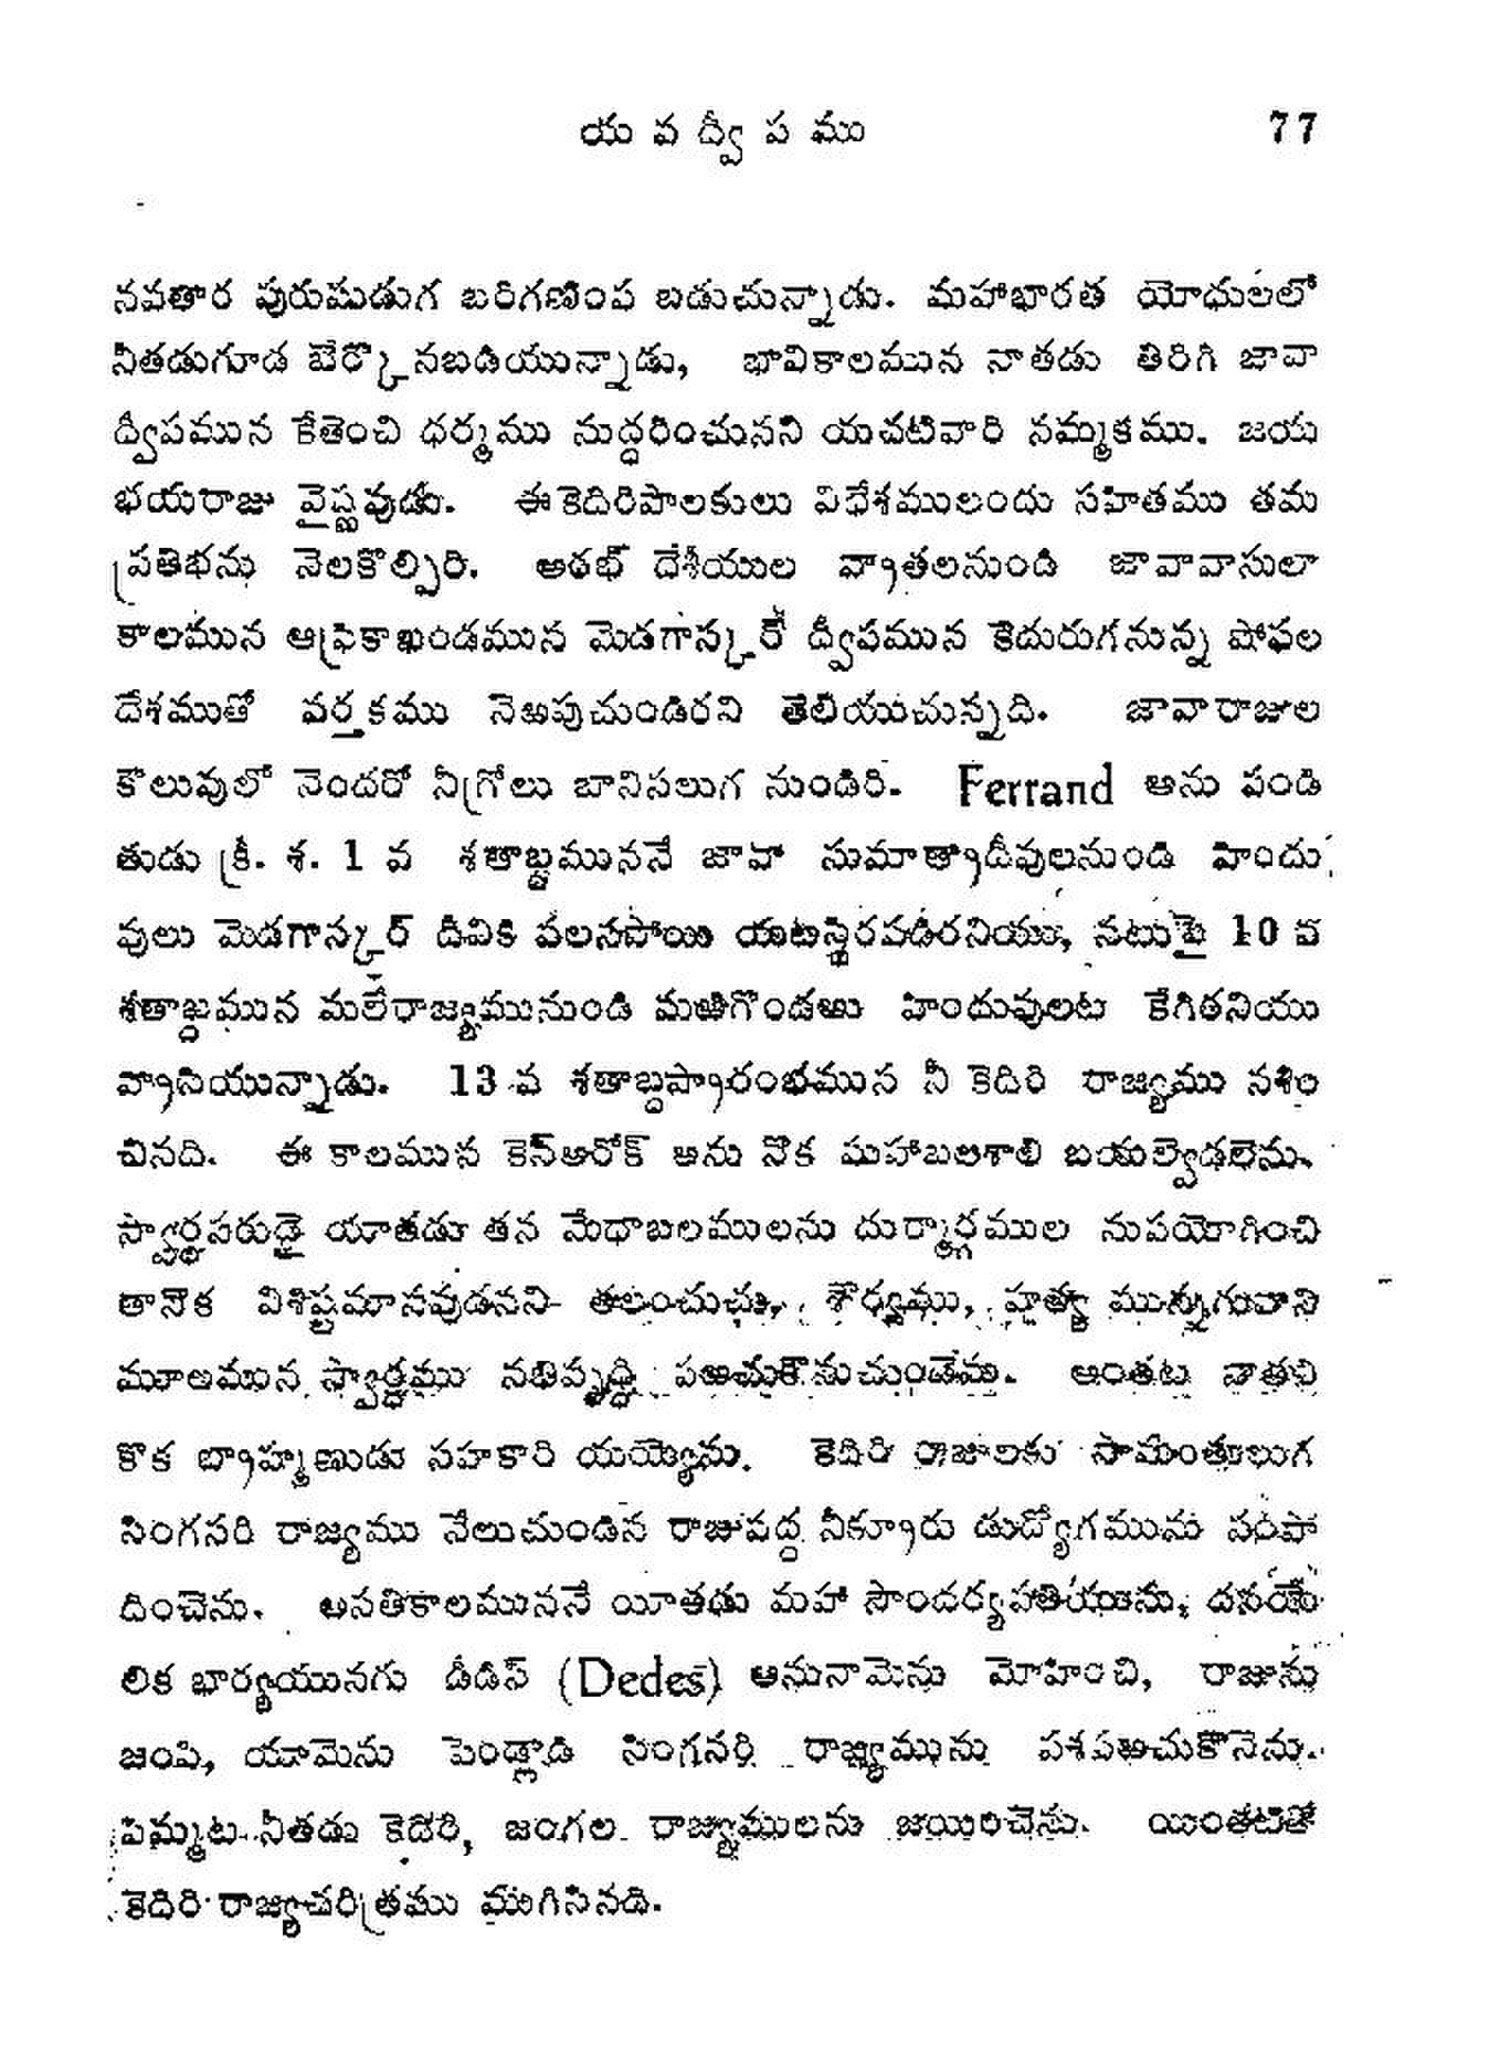నవతార పురుషుడుగ బరిగణింప బడుచున్నాడు. మహాభారత యోధులలో నీతడుగూడ బేర్కొనబడియున్నాడు, భావికాలమున నాతడు తిరిగి జావా ద్వీపమున కేతెంచి దర్మము నుద్దరించునని యచటివారి నమ్మకము. జయభయరాజు వైష్ణవుడు. ఈకెదిరిపాలకులు విదేశములందు సహితము తమ ప్రతిభను నెలకొల్పిరి. అరభ్ దేశీయుల వ్రాతలనుండి జావావాసులా కాలమున ఆఫ్రికాఖండమున మెడగాస్కర్ ద్వీపమున కెదురుగనున్న పోఫల దేశముతో వర్తకము నెఱపుచుండిరని తెలియుచున్నది. జావారాజుల కొలువులో నెందరో నీగ్రోలు బానిసలుగ నుండిరి. Ferrand అను పండీతుడు క్రీ. శ. 1 వ శతాబ్దముననే జావా సుమాత్రాదీవులనుండి హిందువులు మెడగాస్కర్ దీవికి వలసపోయి యటస్థిరపడిరనియు, నటుపై 10 వ శతాబ్దమున మలేరాజ్యమునుండి మఱిగొందఱు హిందువులట కేగిరనియు వ్రాసియున్నాడు. 13 వ శతాబ్దప్రారంభమున నీ కెదిరి రాజ్యము నశించినది. ఈ కాలమున కెన్‌అరోక్ అను నొక మహాబలశాలి బయల్వెడలెను. స్వార్థపరుడై యాతడు తన మేథాబలములను దుర్మార్గముల నుపయోగించి తానొక విశిష్టమానవుడనని తలంచుచు, శౌర్యము, హత్య మున్నగువాని మూలమున స్వార్దము నభివృద్ధి పఱచుకొనుచుండెను. అంతట నాతని కొక బ్రాహ్మణుడు సహకారి యయ్యెను. కెదిరి రాజులకు సామంతులుగ సింగనరి రాజ్యము నేలుచుండిన రాజువద్ద నీక్రూరు డుద్యోగమును సంపాదించెను. అనతికాలముననే యీతడు మహా సౌందర్యవతియును, దనయేలిక భార్యయునగు డీడిస్ (Dedes) అనునామెను మోహించి, రాజును జంపి, యామెను పెండ్లాడి సింగనరి రాజ్యమును వశపఱచుకొనెను. పిమ్మట నీతడు కెదిరి, జంగల రాజ్యములను జయించెను. యింతటితో కెదిరి రాజ్యచరిత్రము ముగిసినది.